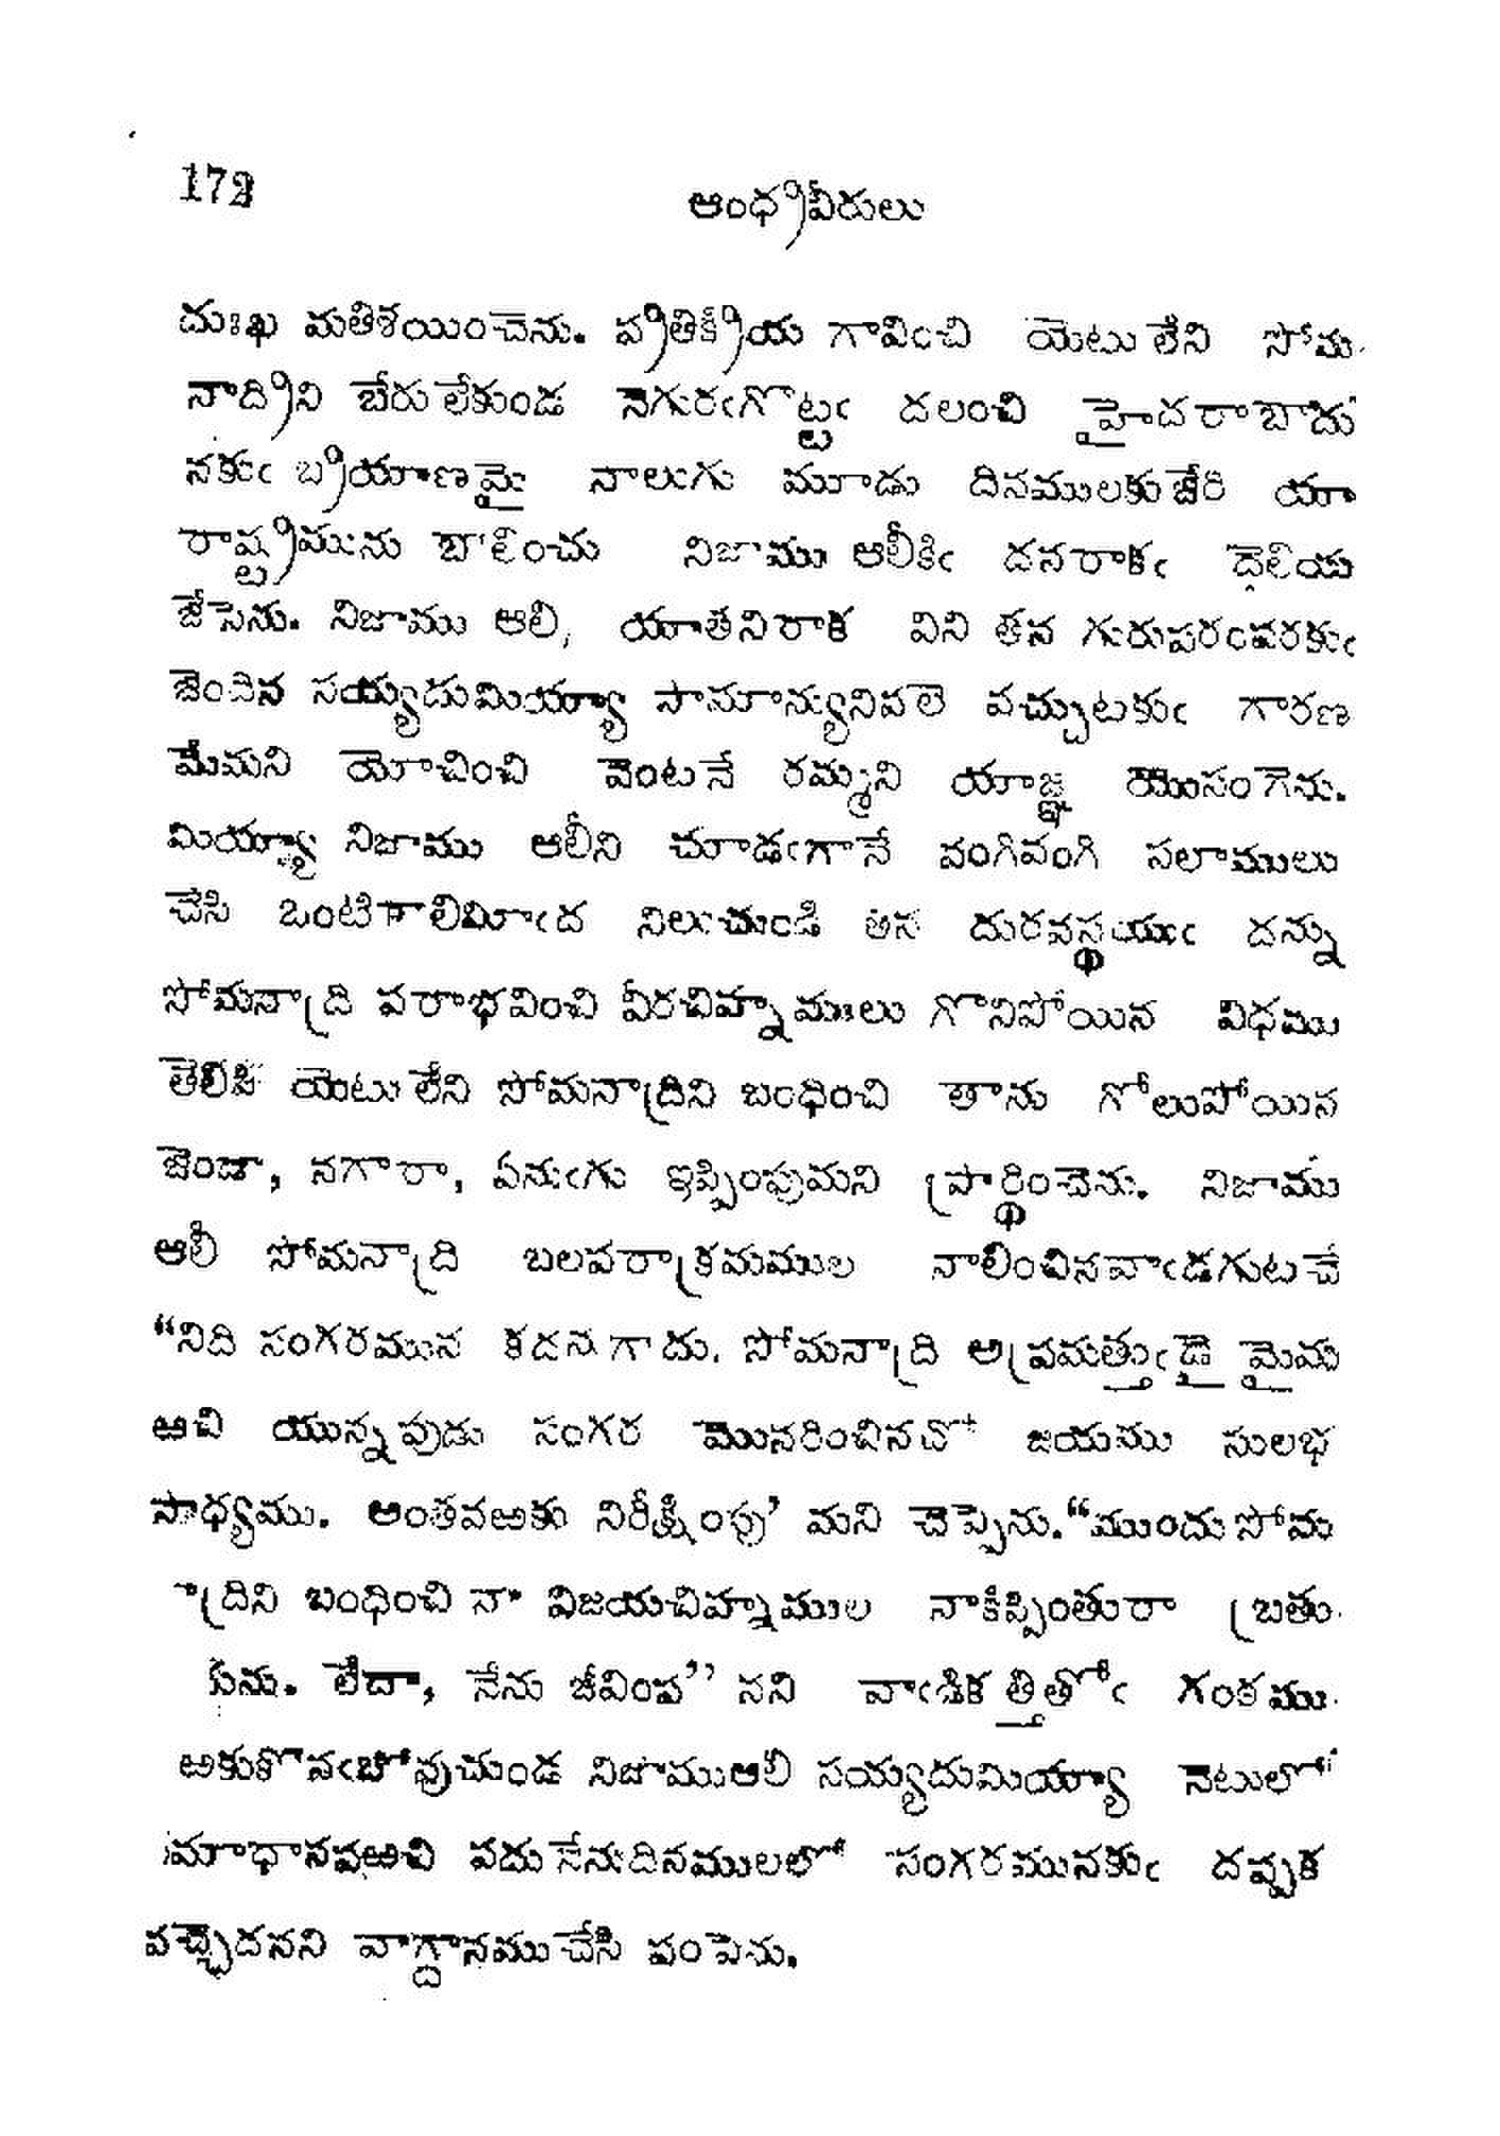దు:ఖ మతిశయించెను. ప్రతిక్రియ గావించి యెటులేని సోమనాద్రిని బేరులేకుండ నెగురగొట్ట దలంచి హైదరాబాదునకు బ్రయాణమై నాలుగు మూడు దినములకుజేరి యా రాష్ట్రమును బాలించు నిజాము అలీకి దనరాక దెలియజేసెను. నిజాము ఆలి, యాతనిరాక విని తన గురుపరంపరకు జెందిన సయ్యదుమియ్యా సామాన్యునివలె వచ్చుటకు గారణమేమని యోచించి వెంటనే రమ్మని యాజ్ఞ యొసంగెను. మియ్యా నిజాము ఆలీని చూడగానే వంగివంగి సలాములుచేసి ఒంటికాలిమీద నిలుచుండి తన దురవస్థయు దన్ను సోమనాద్రి పరాభవించి వీరచిహ్నములు గొనిపోయిన విధము తెలిపి యెటులేని సోమనాద్రిని బంధించి తాను గోలుపోయిన జెండా, నగారా, ఏనుగు ఇప్పింపుమని ప్రార్థించెను. నిజాము ఆలీ సోమనాద్రి బలపరాక్రమములు నాలించినవాడగుటచే "నిది సంగరమున కదనుగాదు. సోమనాద్రి అప్రమత్తుడై మైమఱచి యున్నపుడు సంగర మొనరించినచో జయము సులభసాధ్యము. అంరవఱకు నిరీక్షింప^' మని చెప్పెను. "ముందు సోమనాద్రిని బంధించి నా విజయచిహ్నముల నాకిప్పింతురా బ్రతుకుదును. లేదా, నేను జీవింప"నని వాడికత్తితో గంఠము వఱకుకొనబోవుచుండ నిజాముఆలి సయ్యదుమియ్యా నెటులో సమాధానపఱచి పదునేనుదినములలో సంగరమునకు దప్పక వచ్చెదనని వాగ్దానముచేసి పంపెను.